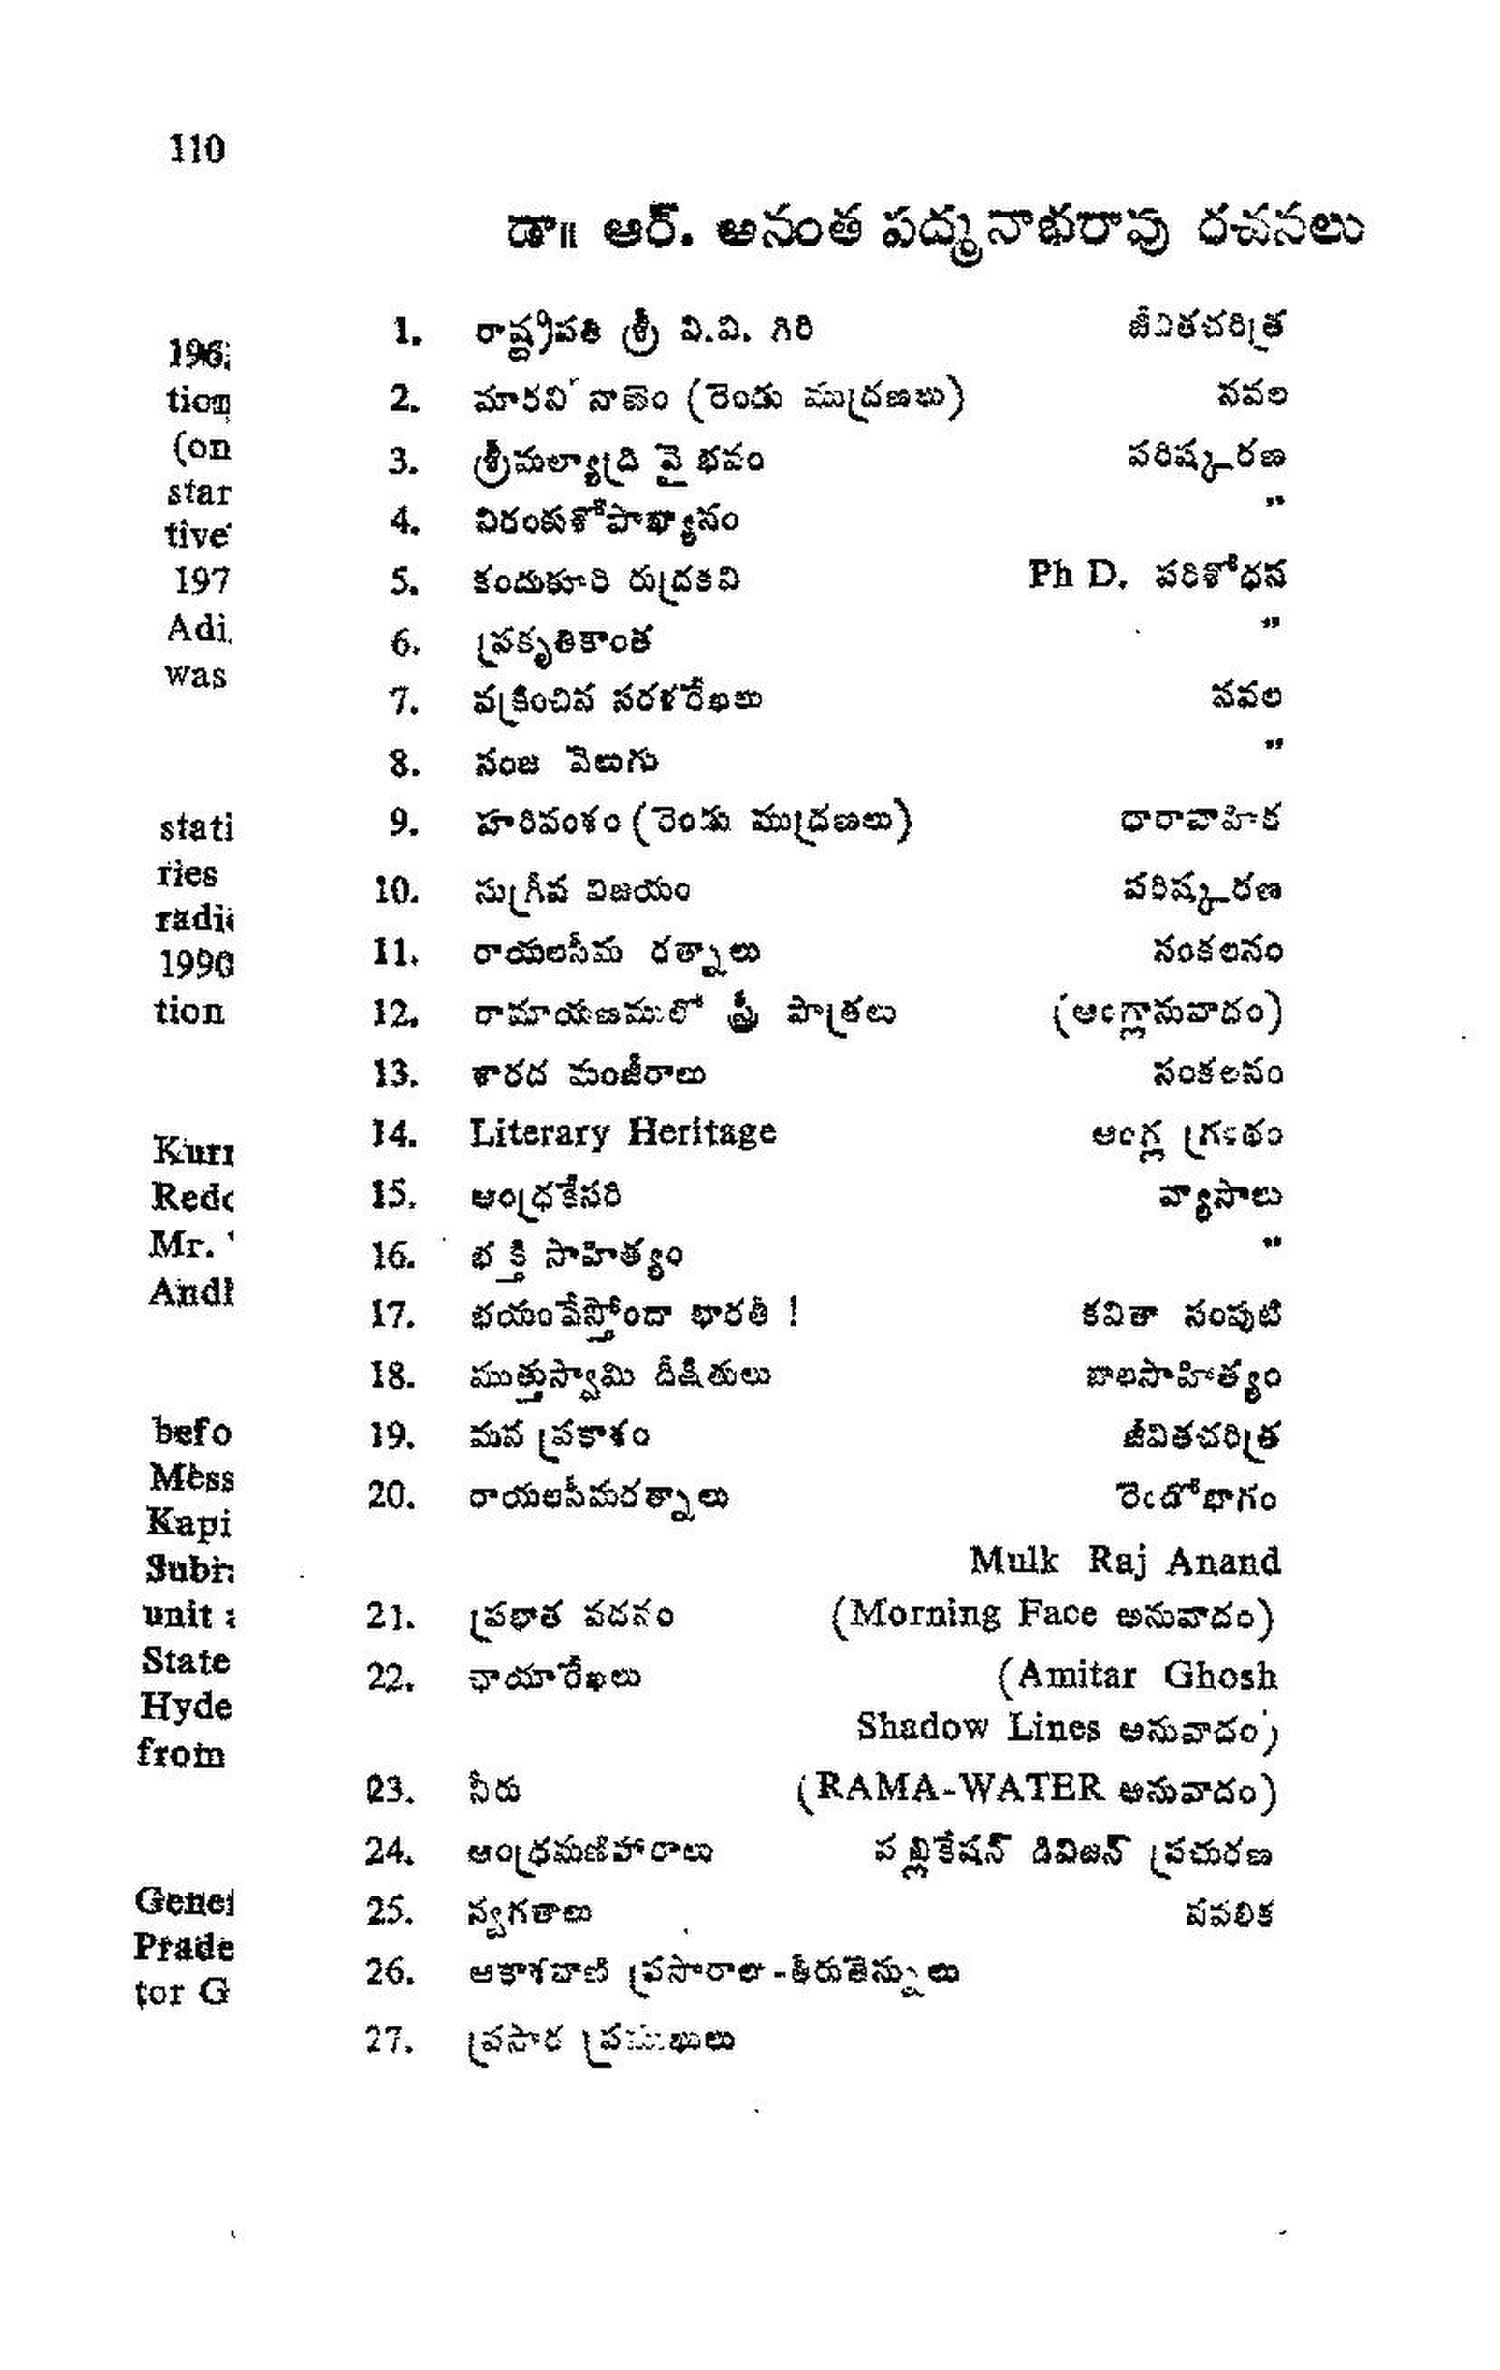1. రాష్ట్రపతి శ్రీ వి. వి. గిరి జీవితచరిత్ర

2. మారని నాణెం (రెండు ముద్రణలు) నవల

3. శ్రీమల్యాద్రి వైభవం పరిష్కరణ

4. నిరంకుశోపాఖ్యానం పరిష్కరణ

5. కందుకూరి రుద్రకవి Ph D. పరిశోధన

6. ప్రకృతికాంత Ph D. పరిశోధన

7. వక్రించిన సరళరేఖలు నవల

8. సంజ వెలుగు నవల

9. హరివంశం (రెండు ముద్రణలు) ధారావాహిక

10. సుగ్రీవ విజయం పరిష్కరణ

11. రాయలసీమ రత్నాలు సంకలనం

12. రామాయణంలో స్త్రీ పాత్రలు (ఆంగ్లానువాదం)

13. శారద మంజీరాలు సంకలనం

14. Literary Heritage ఆంగ్ల గ్రంథం

15. ఆంధ్రకేసరి వ్యాసాలు

16. భక్తి సాహిత్యం వ్యాసాలు

17. భయం వేస్తోందా భారతీ ! కవితా సంపుటి

18. ముత్తుస్వామి దీక్షితులు బాలసాహిత్యం

19. మన ప్రకాశం జీవితచరిత్ర

20. రాయలసీమ రత్నాలు రెండో భాగం

21. ప్రభాత వదనం Mulk RaJ Anand - Morning Face అనువాదం)

22. ఛాయారేఖలు (Amitar Ghosh - Shadow Lines అనువాదం)

23. నీరు (RAMA- WATER అనువాదం)

24. ఆంధ్ర మణిహారాలు పబ్లికేషన్ డివిజన్ ప్రచురణ

25. స్వగతాలు నవలిక

26. ఆకాశవాణి ప్రసారాలు - తీరుతెన్నులు

27. ప్రసార ప్రముఖులు